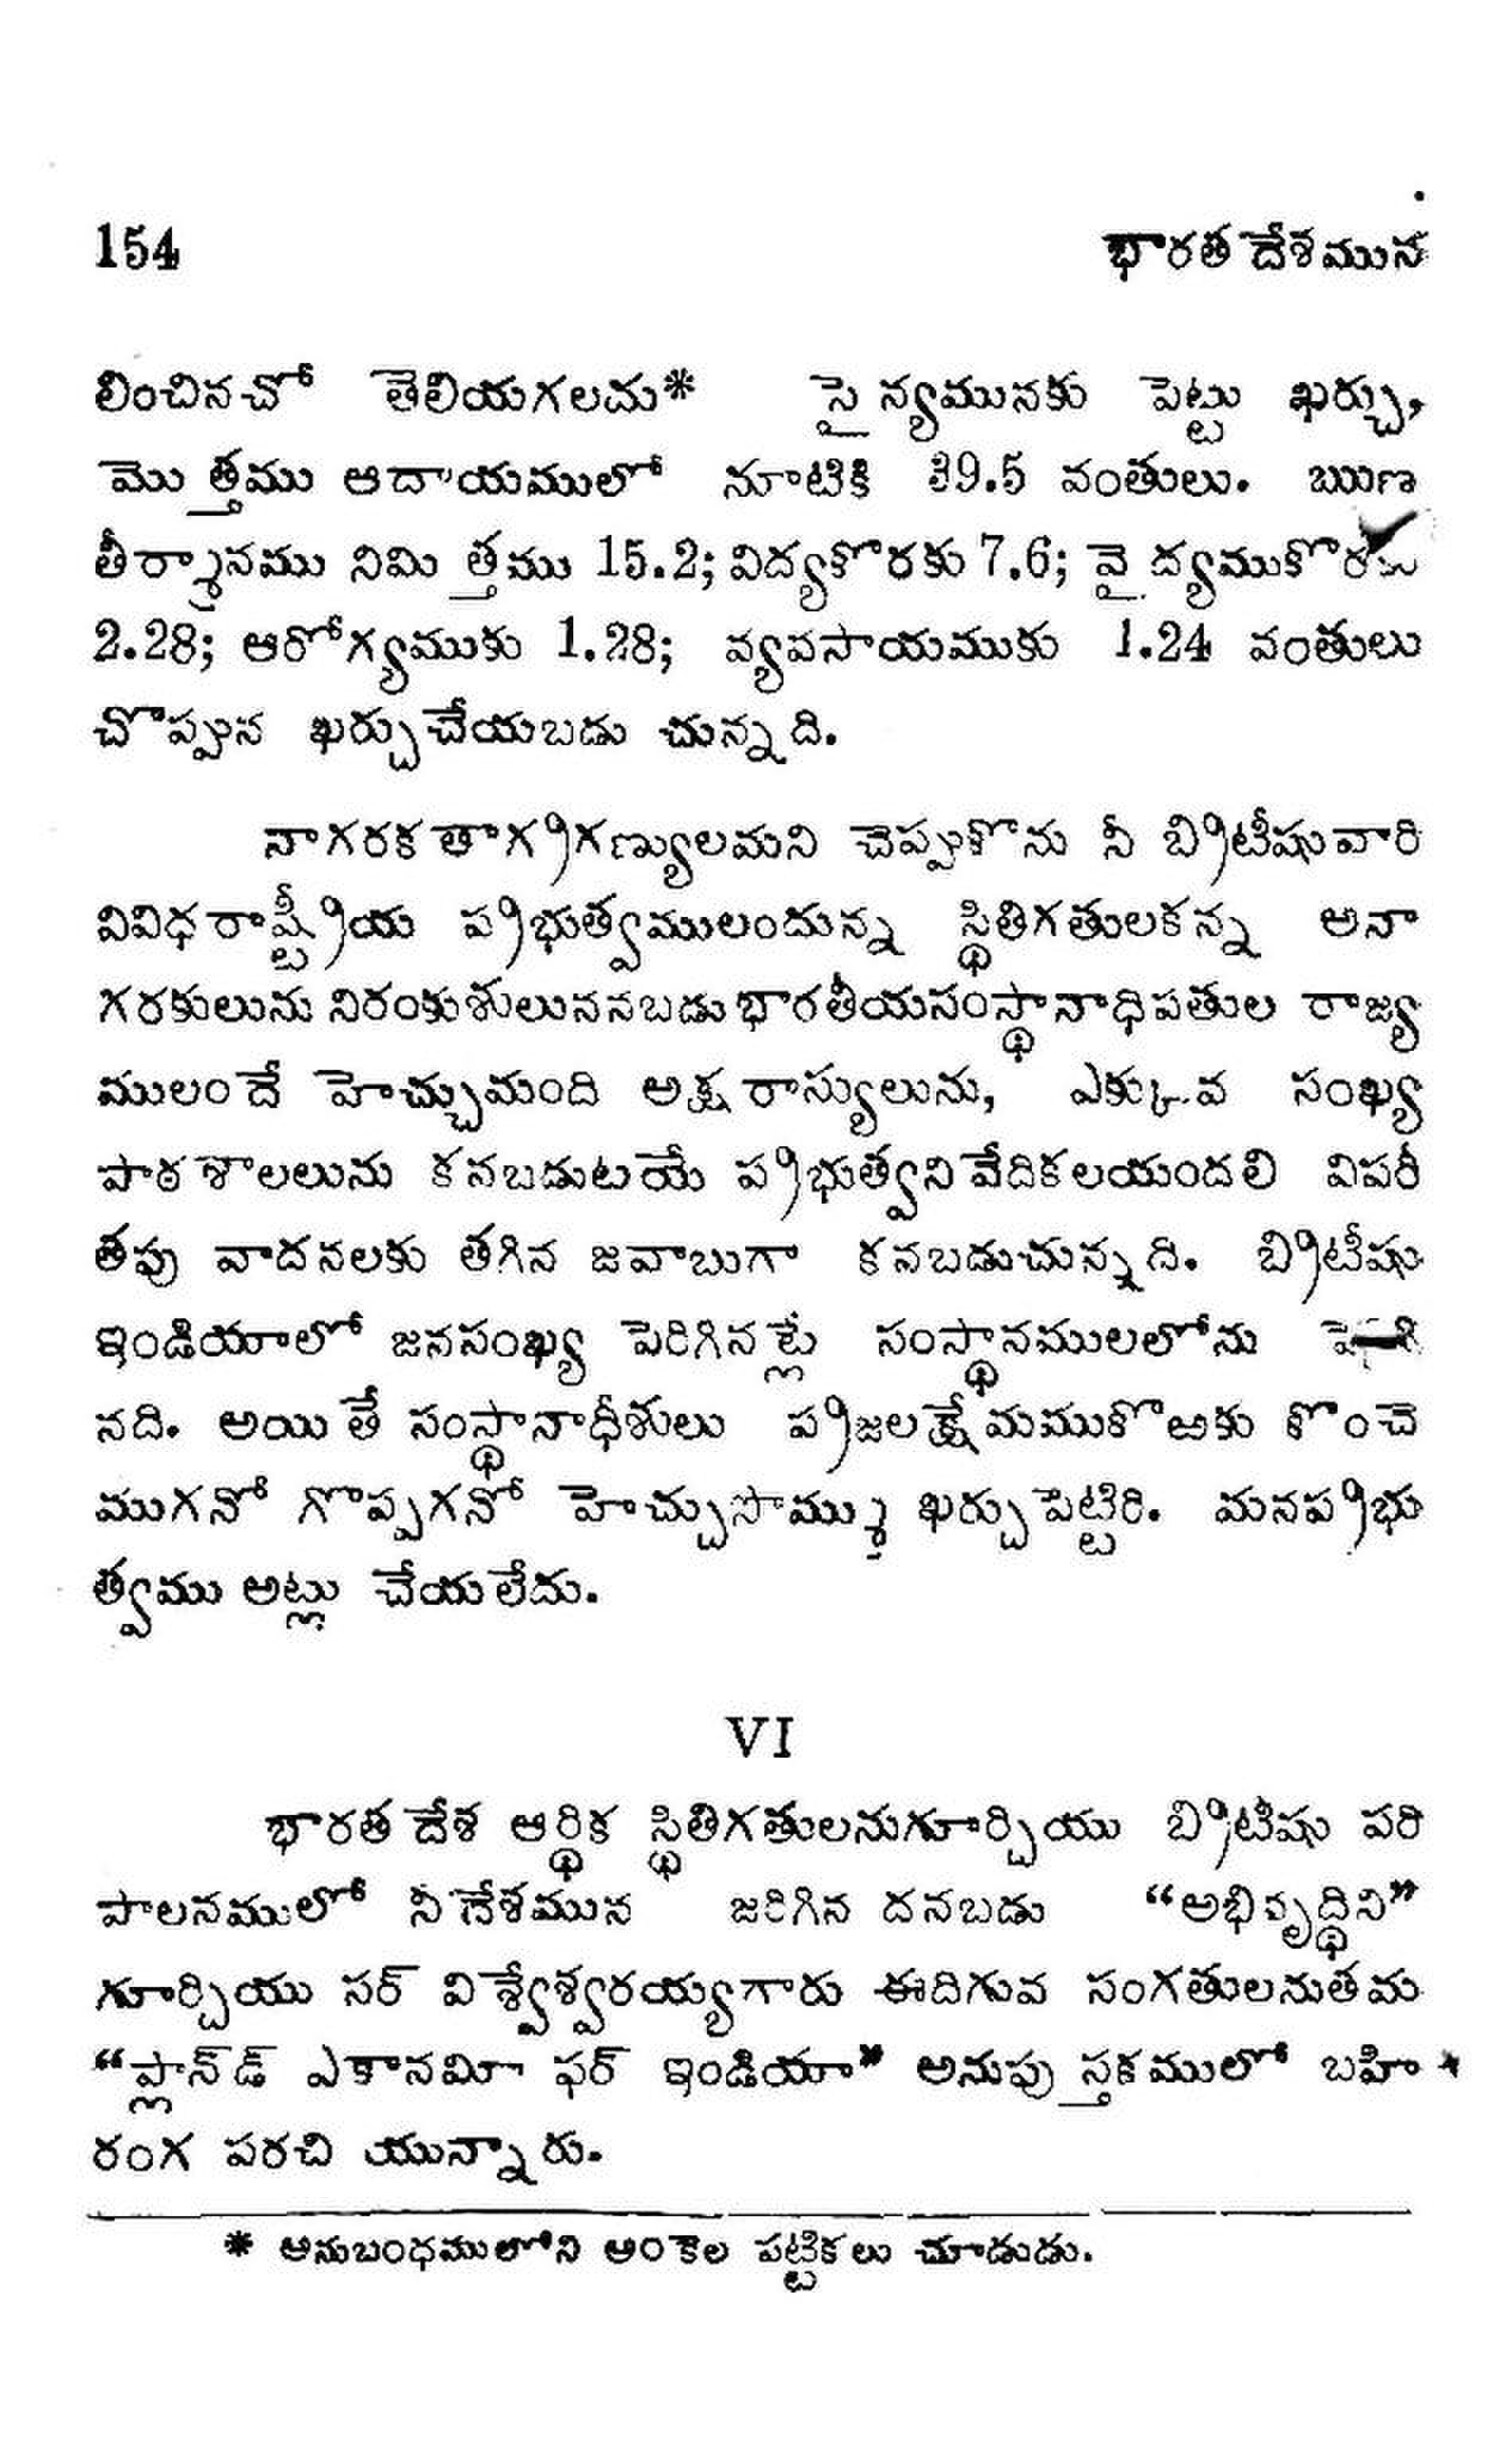లించినచో తెలియగలదు సైన్యమునకు పెట్టు ఖర్చు, మొత్తము ఆదాయములో నూటికి 39.5 వంతులు. ఋణ తీర్మానము నిమిత్తము 15.2; విద్యకొరకు 7.6; వైద్యముకొరకు 2.28; ఆరోగ్యముకు 1.28; వ్యవసాయముకు 1.24 వంతులు చొప్పున ఖర్చు చేయబడు చున్నది.

నాగరకతాగ్రగణ్యులమని చెప్పుకొను నీ బ్రిటీషువారి వివిధరాష్ట్రీయ ప్రభుత్వములందున్న స్థితిగతులకన్న అనాగరకులును నిరంకుశులుననబడు భారతీయసంస్థానాధిపతుల రాజ్యములందే హెచ్చుమంది. అక్షరాస్యులును, ఎక్కువ సంఖ్య పాఠశాలలును కనబడుటయే ప్రభుత్వనివేదికలయందలి విపరీతపు వాదనలకు తగిన జవాబుగా కనబడుచున్నది. బ్రిటీషు ఇండియాలో జనసంఖ్య పెరిగినట్లే సంస్థానములలోను పెరిగినది. అయితే సంస్థానాధీశులు ప్రజలక్షేమముకొజుకు కొంచెముగనో గొప్పగనో హెచ్చుసొమ్ము ఖర్చుపెట్టిరి. మనప్రభుత్వము అట్లు చేయలేదు.

VI

భారతదేశ ఆర్థిక స్థితిగతులనుగూర్చియు బ్రిటీషు పరిపాలనములో నీదేశమున జరిగిన దనబడు "అభివృద్ధిని" గూర్చియు సర్ విశ్వేశ్వరయ్యగారు ఈ దిగువ సంగతులనుతమ “ప్లాన్‌డ్ ఎకానమీ ఫర్ ఇండియా" అనుపుస్తకములో బహిరంగ పరచి యున్నారు.